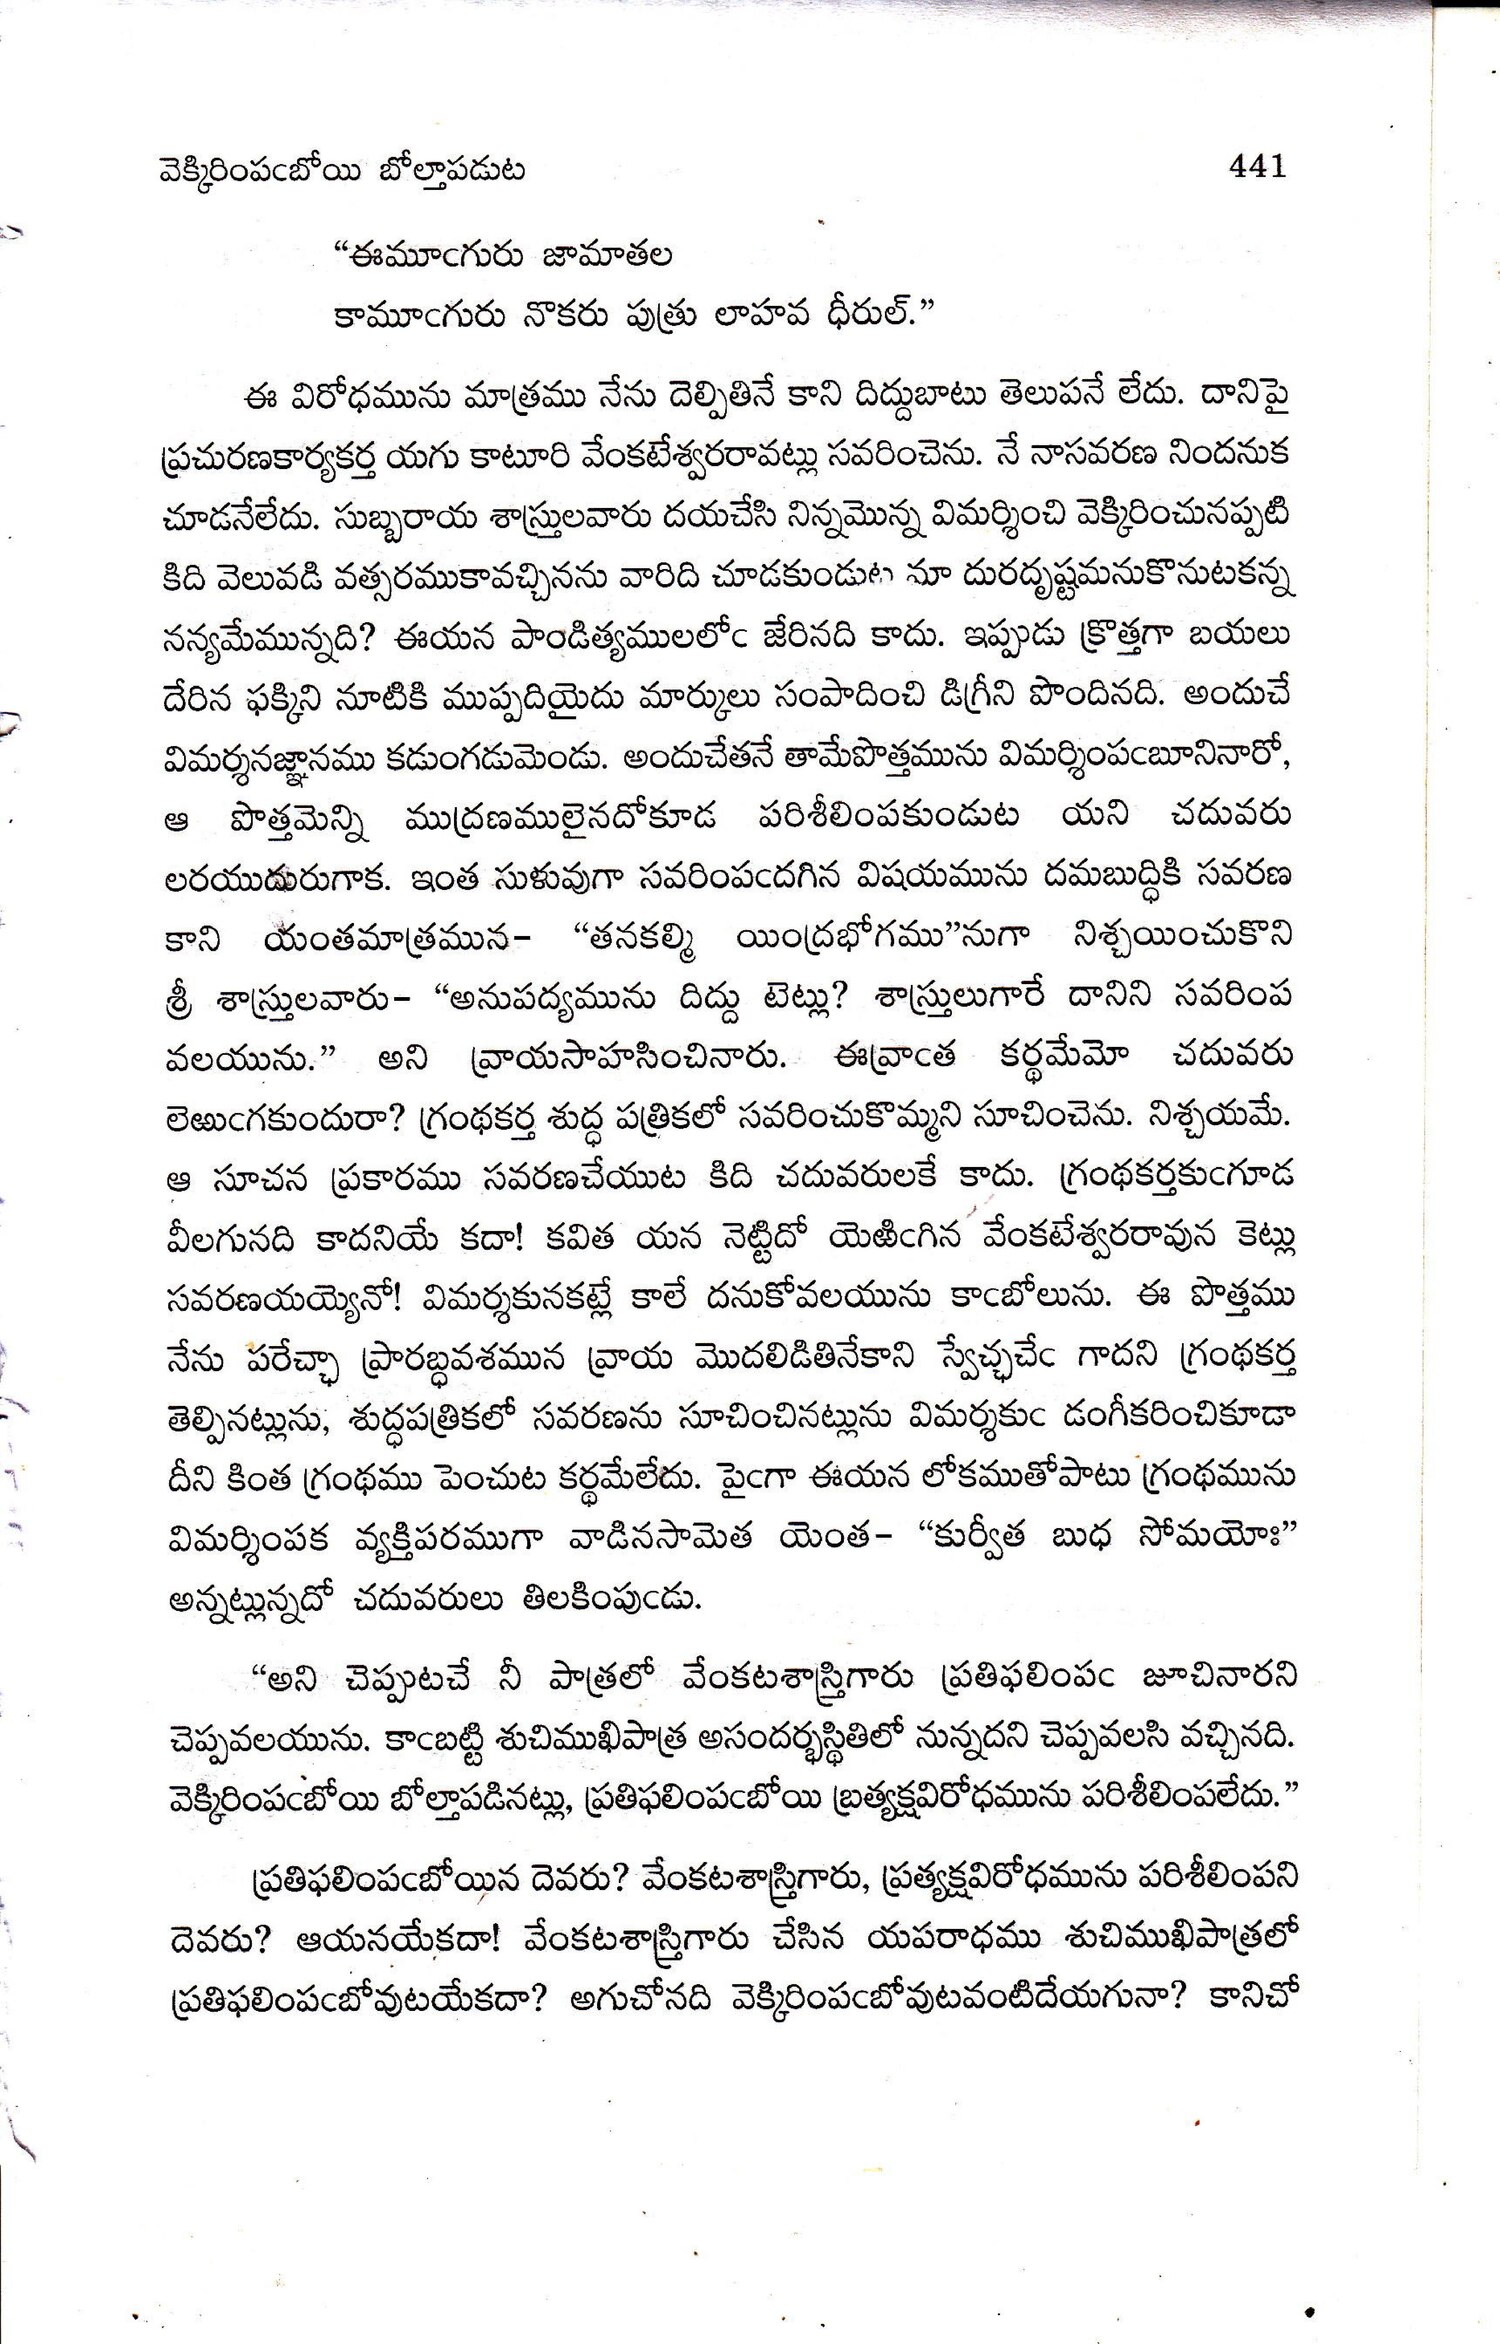“ఈమూఁగురు జామాతల 
 కామూఁగురు నొకరు పుత్రు లాహవ ధీరుల్."
ఈ విరోధమును మాత్రము నేను దెల్పితినే కాని దిద్దుబాటు తెలుపనే లేదు. దానిపై ప్రచురణకార్యకర్త యగు కాటూరి వేంకటేశ్వరరావట్లు సవరించెను. నే నాసవరణ నిందనుక చూడనేలేదు. సుబ్బరాయ శాస్త్రులవారు దయచేసి నిన్నమొన్న విమర్శించి వెక్కిరించునప్పటి కిది వెలువడి వత్సరముకావచ్చినను వారిది చూడకుండుట మా దురదృష్టమనుకొనుటకన్న నన్యమేమున్నది? ఈయన పాండిత్యములలోఁ జేరినది కాదు. ఇప్పుడు క్రొత్తగా బయలు దేరిన ఫక్కిని నూటికి ముప్పదియైదు మార్కులు సంపాదించి డిగ్రీని పొందినది. అందుచే విమర్శనజ్ఞానము కడుంగడుమెండు. అందుచేతనే తామేపొత్తమును విమర్శింపఁబూనినారో, ఆ పొత్తమెన్ని ముద్రణములైనదోకూడ పరిశీలింపకుండుట యని చదువరు లరయుదురుగాక. ఇంత సుళువుగా సవరింపఁదగిన విషయమును దమబుద్ధికి సవరణ కాని యంతమాత్రమున- “తనకల్మి యింద్రభోగము"నుగా నిశ్చయించుకొని శ్రీ శాస్త్రులవారు- “అనుపద్యమును దిద్దు టెట్లు? శాస్త్రులుగారే దానిని సవరింప వలయును." అని వ్రాయసాహసించినారు. ఈవ్రాఁత కర్థమేమో చదువరు లెఱుఁగకుందురా? గ్రంథకర్త శుద్ధ పత్రికలో సవరించుకొమ్మని సూచించెను. నిశ్చయమే. ఆ సూచన ప్రకారము సవరణచేయుట కిది చదువరులకే కాదు. గ్రంథకర్తకుఁగూడ వీలగునది కాదనియే కదా! కవిత యన నెట్టిదో యెఱిఁగిన వేంకటేశ్వరరావున కెట్లు సవరణయయ్యెనో! విమర్శకునకట్లే కాలే దనుకోవలయును కాఁబోలును. ఈ పొత్తము నేను పరేచ్ఛా ప్రారబ్దవశమున వ్రాయ మొదలిడితినేకాని స్వేచ్ఛచేఁ గాదని గ్రంథకర్త తెల్పినట్లును, శుద్ధపత్రికలో సవరణను సూచించినట్లును విమర్శకుఁ డంగీకరించికూడా దీని కింత గ్రంథము పెంచుట కర్థమేలేదు. పైఁగా ఈయన లోకముతోపాటు గ్రంథమును విమర్శింపక వ్యక్తిపరముగా వాడినసామెత యెంత - “కుర్వీత బుధ సోమయోః" అన్నట్లున్నదో చదువరులు తిలకింపుcడు.

“అని చెప్పుటచే నీ పాత్రలో వేంకటశాస్త్రిగారు ప్రతిఫలింపc జూచినారని చెప్పవలయును. కాcబట్టి శుచిముఖిపాత్ర అసందర్భస్థితిలో నున్నదని చెప్పవలసి వచ్చినది. వెక్కిరింపఁబోయి బోల్తాపడినట్లు, ప్రతిఫలింపఁబోయి బ్రత్యక్షవిరోధమును పరిశీలింపలేదు."

ప్రతిఫలింపఁబోయిన దెవరు? వేంకటశాస్త్రిగారు, ప్రత్యక్షవిరోధమును పరిశీలింపని దెవరు? ఆయనయేకదా! వేంకటశాస్త్రిగారు చేసిన యపరాధము శుచిముఖిపాత్రలో ప్రతిఫలింపఁబోవుటయేకదా? అగుచోనది వెక్కిరింపఁబోవుటవంటిదేయగునా? కానిచో